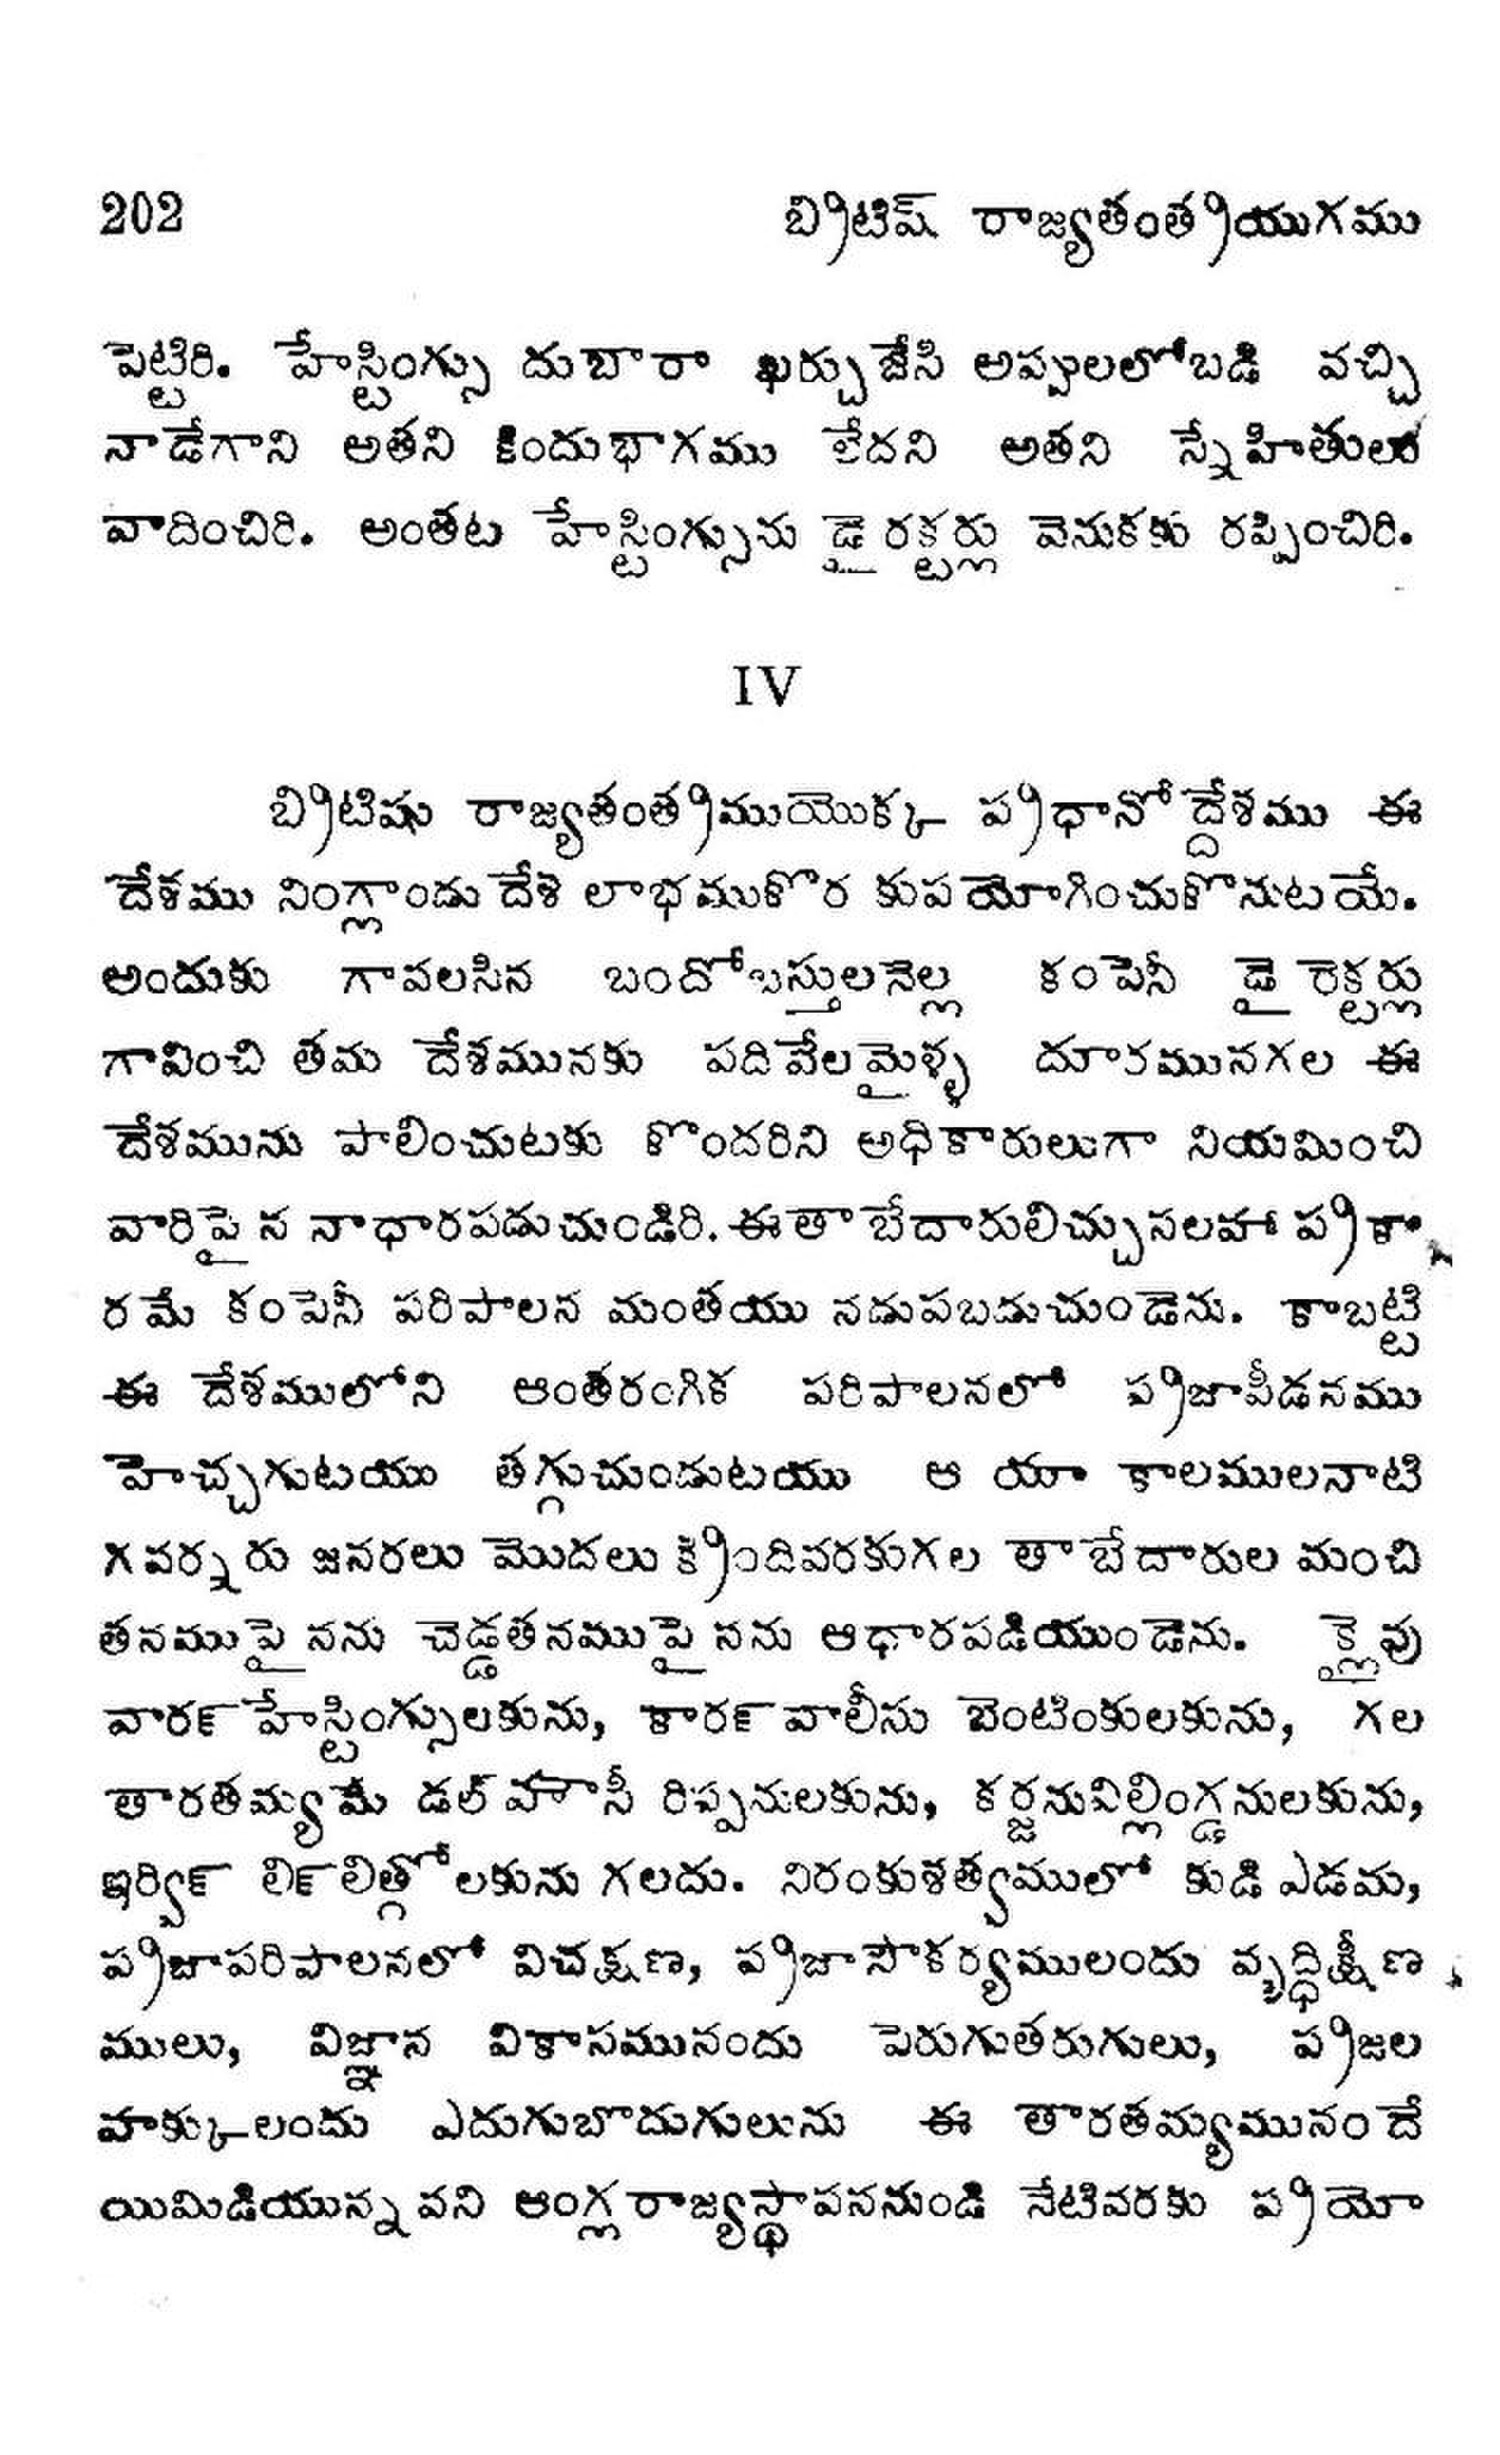పెట్టిరి. హేస్టింగ్సు దుబారా ఖర్చుజేసి అప్పులలోబడి వచ్చినాడేగాని అతని కిందుభాగము లేదని అతని స్నేహితులు వాదించిరి. అంతట హేస్టింగ్సును డైరక్టర్లు వెనుకకు రప్పించిరి.

IV

బ్రిటిషు రాజ్యతంత్రముయొక్క ప్రధానోద్దేశము ఈ దేశము నింగ్లాండుదేశ లాభముకొర కుపయోగించుకొనుటయే. అందుకు గావలసిన బందోబస్తులనెల్ల కంపెనీ డైరెక్టర్లు గావించి తమ దేశమునకు పదివేలమైళ్ళ దూరమునగల ఈ దేశమును పాలించుటకు కొందరిని అధికారులుగా నియమించి వారిపైన నాధారపడుచుండిరి. ఈ తాబేదారులిచ్చుసలహా ప్రకారమే కంపెనీ పరిపాలన మంతయు నడుపబడుచుండెను. కాబట్టి ఈ దేశములోని ఆంతరంగిక పరిపాలనలో ప్రజాపీడనము హెచ్చగుటయు తగ్గుచుండుటయు ఆ యా కాలములనాటి గవర్నరు జనరలు మొదలు క్రిందివరకుగల తాబేదారుల మంచి తనముపైనను చెడ్డతనముపైనను ఆధారపడియుండెను. క్లైవు వార౯ హేస్టింగ్సులకును, కార౯ వాలీసు బెంటింకులకును, గల తారతమ్యమే డల్‌హౌసీ రిప్పనులకును, కర్జనువిల్లింగ్డనులకును, ఇర్వి౯ లి౯లిత్గోలకును గలదు. నిరంకుశత్వములో కుడి ఎడమ, ప్రజాపరిపాలనలో విచక్షణ, ప్రజాసౌకర్యములందు వృద్దిక్షీణములు, విజ్ఞాన వికాసమునందు పెరుగుతరుగులు, ప్రజల హక్కులందు ఎదుగుబొదుగులును ఈ తారతమ్యమునందే యిమిడియున్న వని ఆంగ్ల రాజ్యస్థాపననుండి నేటివరకు ప్రయో